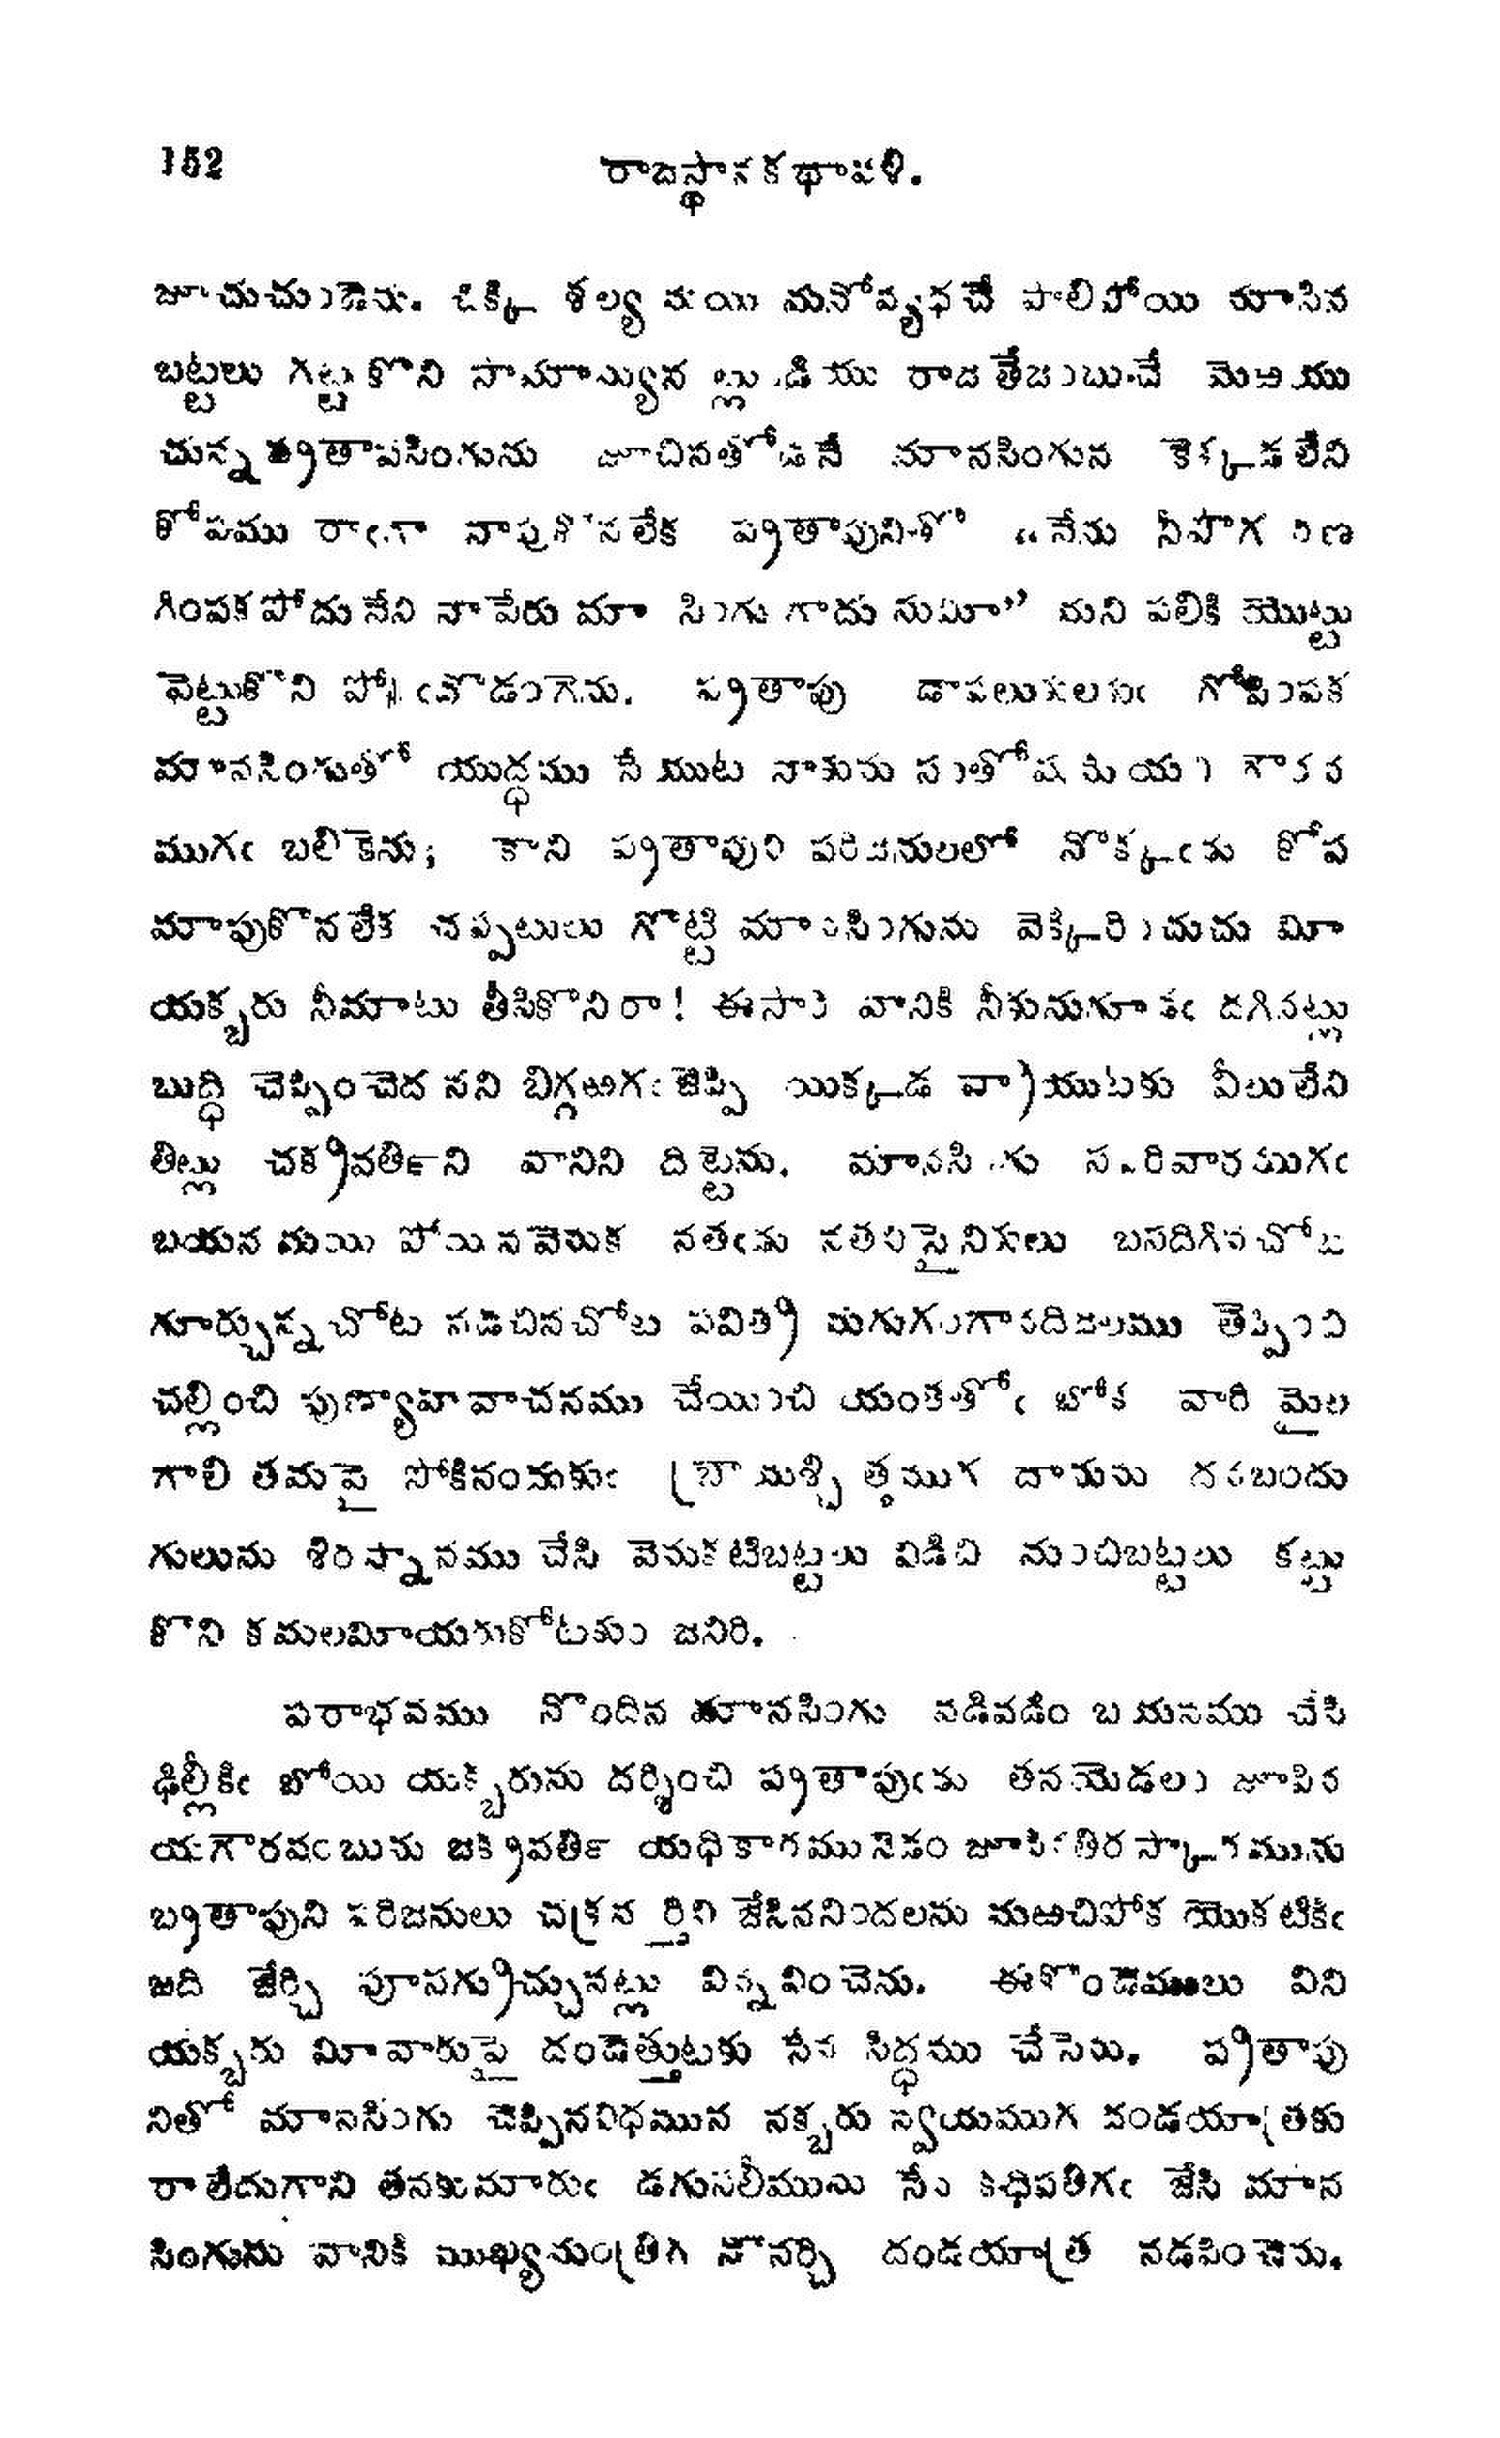జూచుచుండెను. చిక్కి శల్య మయి మనోవ్యధ చే పాలిపోయి మాసిన బట్టలు గట్టుకొని సామాన్యున ట్లుండియు రాజ తేజంబుచే మెఱయు
చున్న ప్రతాపసింగును జూచిన తోడనే మానసింగున కెక్కడ లేని కోపము రాఁగా నాపుకోన లేక ప్రతాపునితో “ నేను నీపొగ రణగింపకపోదు నేని నా పేరు మానసింగు గాదు సుమా" మని పలికి యొట్టు పెట్టుకొని పోఁదోడంగెను. ప్రతాపు డాపలుకులకుఁ గోపింపక మానసింగుతో యుద్ధము సేయుట నాకును సంతోషమేయని గౌరవముగఁ బలికెను; కాని ప్రతాపుని పరిజనులలో నొక్కఁడు కోప మాపుకొనలేక చప్పటులు గొట్టి మానసింగును వెక్కిరించుచు మీ యక్బరు నీమాటు తీసికొని రా ! ఈసారి వానికి నీకునుగూడఁ దగినట్లు బుద్ది చెప్పించెద సనీ బిగ్గఱగఁ జెప్పి యిక్కడ వ్రాయుటకు వీలు లేని తిట్లు చక్రవతి౯ని వానిని దిట్టెను. మానసింగు సపరివారముగఁ బయన మయి పోయిన వెనుక నతఁడు నతని సైనికులు బసదిగిన చోట గూర్చున్న చోట నడిచిన చోట పవిత్ర మగుగంగా నది జలము తెప్పించి చల్లించి పుణ్యాహవాచనము చేయించి యంతతోఁ బోక వారి మైల గాలి తమపై సోకినందుకుఁ బ్రాయశ్చిత్తముగ దానును దన బందుగులును శిరస్నానము చేసి వెనుకటిబట్టలు విడిచి మంచిబట్టలు కట్టుకొని కమలమియరుకోటకుం జనిరి.

పరాభవము నొందిన మానసింగు వడివడిం బయనము చేసి ఢిల్లీ కిఁ బోయి యక్బరును దర్శించి ప్రతాపుఁడు తన యెడలం జూపిన
యగౌరవంబును జక్రవతి౯ యధి కారము నెడం జూపినతిరస్కారమును బ్రతాపుని పరిజనులు చక్రవర్తిని జేసిననిందలను మఱచిపోక యొకటికిఁ బది జేర్చి పూసగ్రుచ్చునట్లు విన్నవించెను.ఈ కొండెములు విని యక్బరు మివారు పై దండెత్తుటకు సేన సిద్ధము చేసెను. ప్రతాపు
నితో మాససింగు చెప్పిన విధమున నక్బరు స్వయముగ దండయాత్రకు రాలేదుగాని తనకుమారుఁ డగుసలీమును సేన కధిపతిగఁ జేసి మాన
సింగును వానికి ముఖ్యమంత్రిగ నొనర్చి దండయాత్ర నడపించెను.